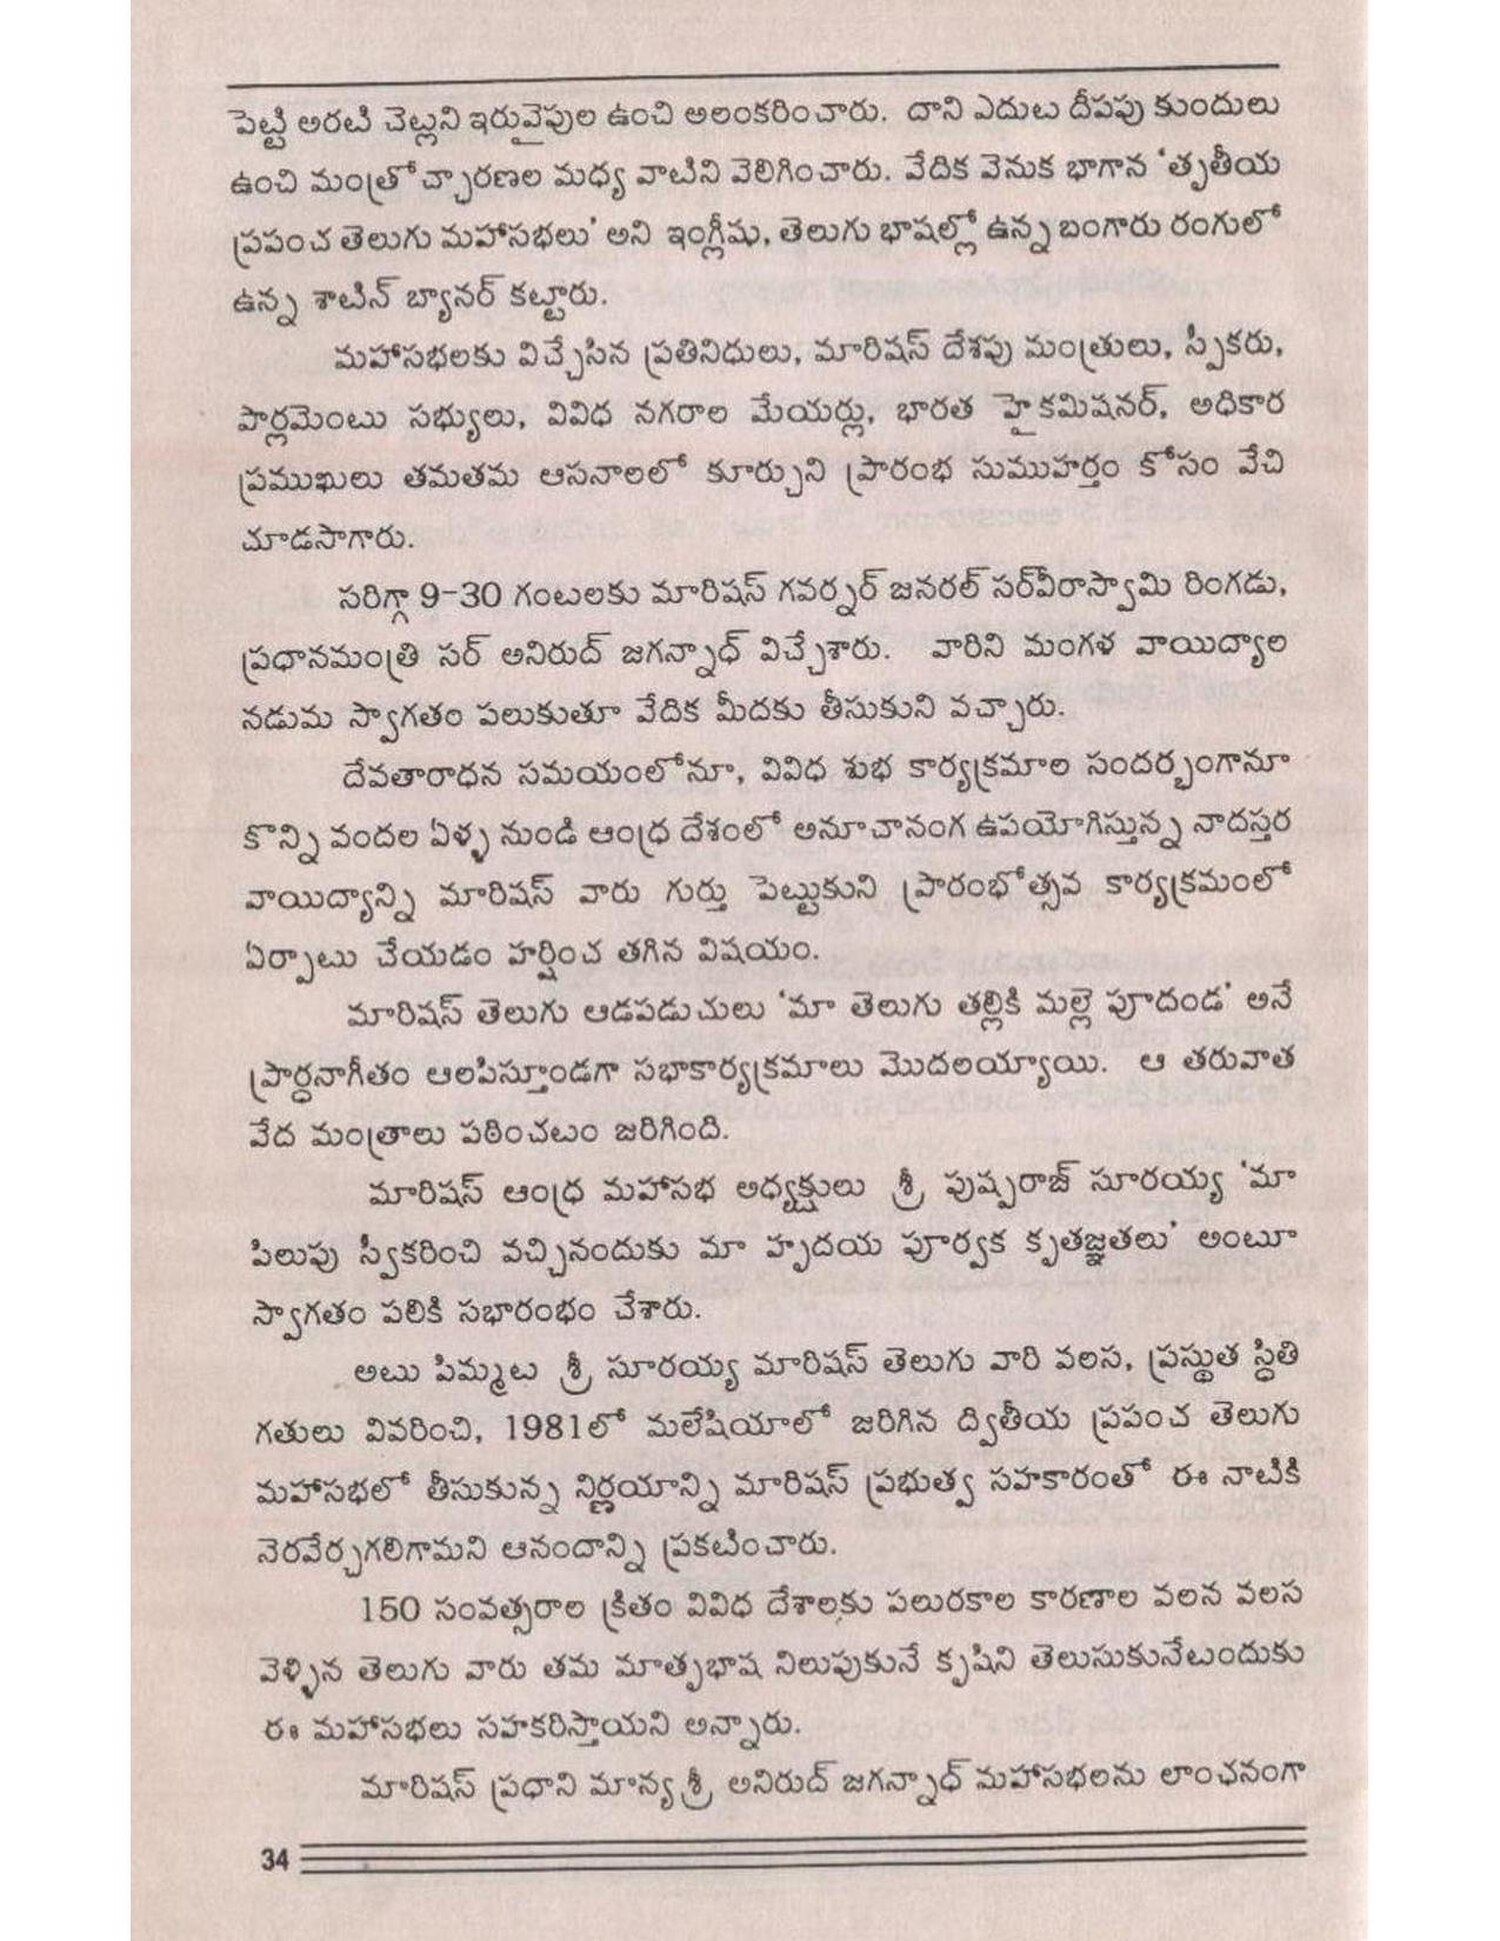పెట్టి అరటి చెట్లని ఇరువైపుల ఉంచి అలంకరించారు. దాని ఎదుట దీపపుకుందులు ఉంచి మంత్రోచ్ఛారణల మధ్య వాటిని వెలిగించారు. వేదిక వెనుక భాగాన తృతీయ ప్రపంచ తెలుగు మహాసభలు అని ఇంగ్లీషు, తెలుగు భాషల్లో ఉన్న బంగారు రంగులో ఉన్న శాటిన్ బ్యానర్ కట్టారు.

మహాసభలకు విచ్చేసిన ప్రతినిధులు, మారిషస్ దేశపు మంత్రులు, స్పీకరు, పార్లమెంటు సభ్యులు, వివిధ నగరాల మేయర్లు, భారత హై కమిషనర్, అధికార ప్రముఖులు తమతమ ఆసనాలలో కూర్చుని ప్రారంభ సుముహర్తం కోసం వేచి చూడసాగారు.

సరిగ్గా 9-30 గంటలకు మారిషస్ గవర్నర్ జనరల్ సర్‌వీరాస్వామి రింగడు, ప్రధానమంత్రి సర్ అనిరుద్ జగన్నాథ్ విచ్చేశారు. వారిని మంగళ వాయిద్యాల నడుమ స్వాగతం పలుకుతూ వేదిక మీదకు తీసుకుని వచ్చారు.

దేవతారాధన సమయంలోనూ, వివిధ శుభ కార్యక్రమాల సందర్భంగానూ కొన్ని వందల ఏళ్ళ నుండి ఆంధ్ర దేశంలో అనూచానంగ ఉపయోగిస్తున్న నాదస్వర వాయిద్యాన్ని మారిషస్ వారు గుర్తు పెట్టుకుని ప్రారంభోత్సవ కార్యక్రమంలో ఏర్పాటు చేయడం హర్షించ తగిన విషయం.

మారిషస్ తెలుగు ఆడపడుచులు 'మా తెలుగు తల్లికి మల్లె పూదండ' అనే ప్రార్ధనాగీతం ఆలపిస్తూండగా సభాకార్యక్రమాలు మొదలయ్యాయి. ఆ తరువాత వేద మంత్రాలు పఠించటం జరిగింది.

మారిషస్ ఆంద్ర మహాసభ అధ్యక్షులు శ్రీ పుష్పరాజ్ సూరయ్య "మా పిలుపు స్వీకరించి వచ్చినందుకు మా హృదయ పూర్వక కృతజ్ఞతలు' అంటూ స్వాగతం పలికి సభారంభం చేశారు.

అటు పిమ్మట శ్రీ సూరయ్య మారిషస్ తెలుగు వారి వలస, ప్రస్తుత స్థితి గతులు వివరించి, 1981లో మలేషియాలో జరిగిన ద్వితీయ ప్రపంచ తెలుగు మహాసభలో తీసుకున్న నిర్ణయాన్ని మారిషస్ ప్రభుత్వ సహకారంతో ఈ నాటికి నెరవేర్చగలిగామని ఆనందాన్ని ప్రకటించారు.

150 సంవత్సరాల క్రితం వివిధ దేశాలకు పలురకాల కారణాల వలన వలస వెళ్ళిన తెలుగు వారు తమ మాతృభాష నిలుపుకునే కృషిని తెలుసుకునేటందుకు ఈ మహాసభలు సహకరిస్తాయని అన్నారు.

మారిషస్ ప్రధాని మాన్య శ్రీ అనిరుద్ జగన్నాధ్ మహాసభలను లాంఛనంగా